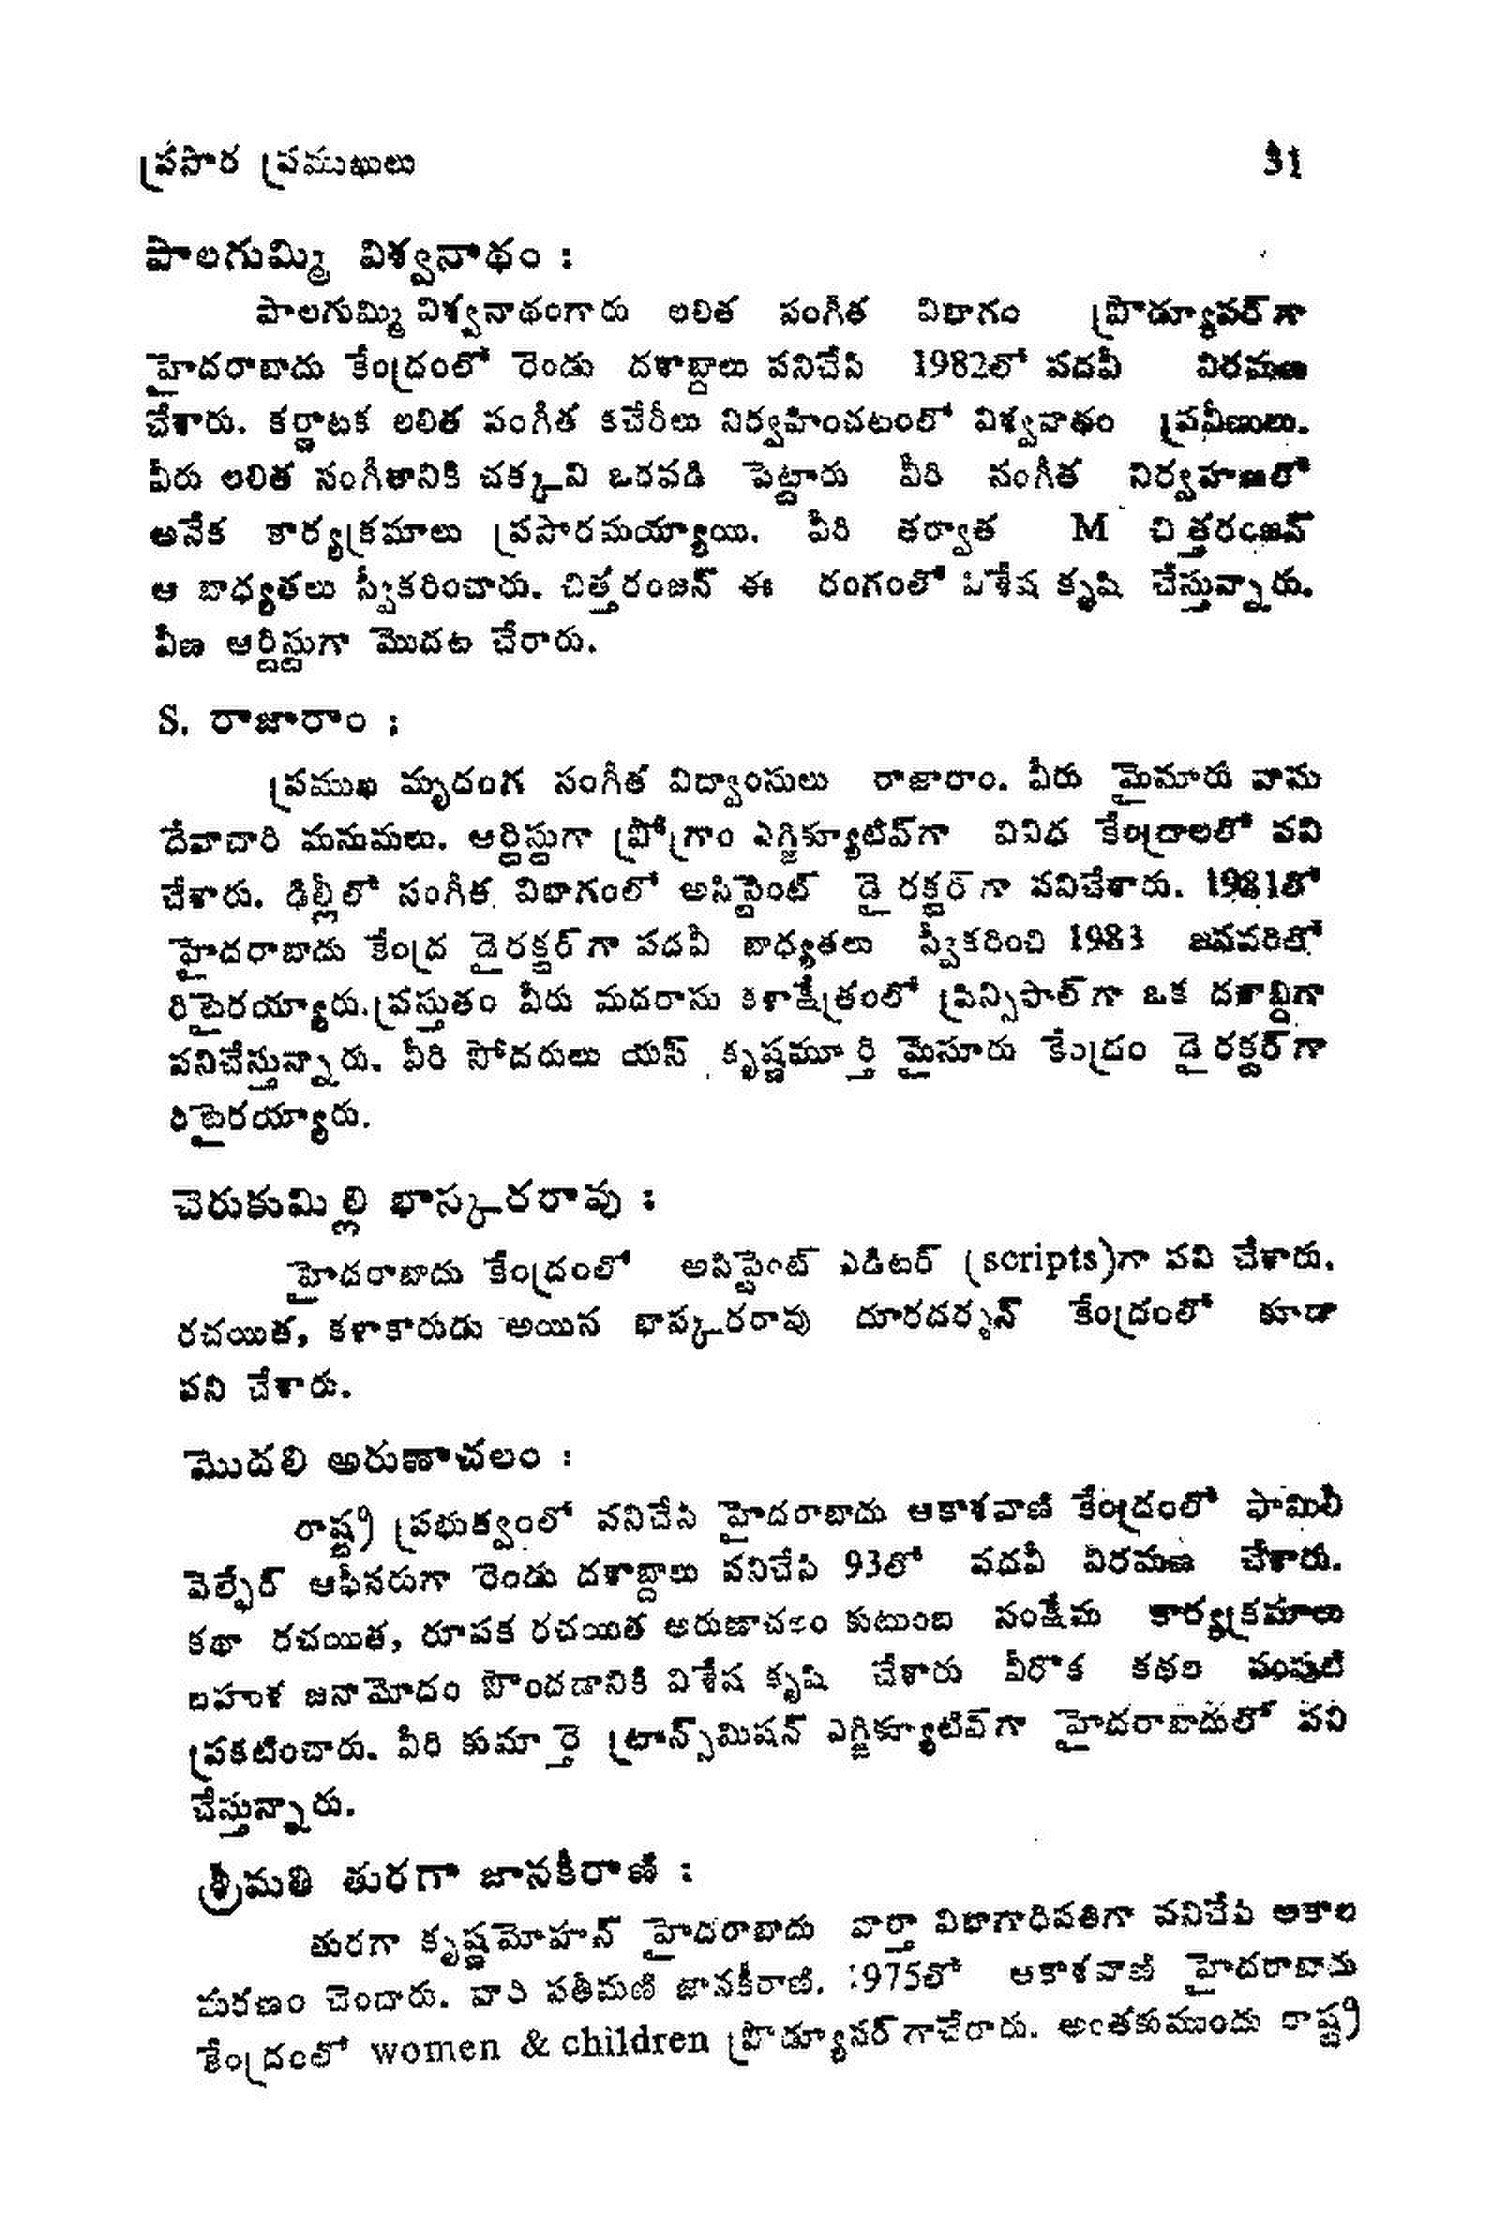పాలగుమ్మి విశ్వనాథంగారు లలిత సంగీత విభాగం ప్రొడ్యూసర్ గా హైదరాబాదు కేంద్రంలో రెండు దశాబ్దాలు పనిచేసి 1982లో పదవీ విరమణచేసారు. కర్ణాటక లలిత సంగీతకచేరీలు నిర్వహించటంలో విశ్వనాథం ప్రవీణులు. వీరు లలిత సంగీతానికి చక్కని ఒరవడి పెట్టారు. వీరి సంగీత నిర్వహణలో అనేక కార్యక్రమాలు ప్రసారమయ్యాయి. వీరి తర్వాత M చిత్తరంజన్ ఆ బాధ్యతలు స్వీకరించారు. చిత్తరంజన్ ఈ రంగంలో విశేష కృషి చేస్తున్నారు. వీణ ఆర్టిస్టుగా మొదట చేరారు.

ప్రముఖ మృదంగ సంగీత విద్వాంసులు రాజారాం. వీరు మైసూరు వాసుదేవాచారి మనుమలు. ఆర్టిస్టుగా ప్రోగ్రాం ఎగ్జిక్యూటివ్ గా వివిద కేంద్రాలలో పని చేసారు. ఢిల్లీలో సంగీత విభాగంలో అసిస్టెంట్ డైరెక్టర్ గా పనిచేసారు. 1981లో హైదరాబాదు కేంద్ర డైరెక్టర్ గా పదవీ బాధ్యతలు స్వీకరించి 1983 జనవరిలో రిటైరయ్యారు. ప్రస్తుతం వీరు మదరాసు కళాక్షేత్రంలో ప్రిన్సిపాల్ గా ఒక దశాబ్దిగా పనిచేస్తున్నారు. వీరి సోదరులు యస్ కృష్ణమూర్తి మైసూరు కేంద్రం డైరెక్టర్ గా రిటైరయ్యారు.

హైదరాబాదు కేంద్రంలో అసిస్టెంట్ ఎడిటర్(Scripts)గా పని చేసారు. రచయత , కళాకారుడు అయిన భాస్కరరావు దూరదర్శన్ కేంద్రంలో కూడా పని చేసారు.

రాష్ట్ర ప్రభుత్వంలో పనిచేసి ఆకాశవాణి కేంద్రంలో ఫ్యామిలీ వెల్ఫేర్ ఆఫీసర్ గా రెండు దశాబ్దాలు 93లో పదవీ విరమణ చేసారు. కధా రచయత, రూపక రచయత అరుణాచలం కుటుంబ సంక్షేమ కార్యక్రమాలు బహుళ జనామోదం పొందడానికి కృషి చేసారు. వీరొక కథల సంపుటి ప్రకటించారు. వీరి కుమార్తె ట్రాన్స్మిషన్ ఎగ్జిక్యూటివ్ గా హైదరాబాదులో పని చేస్తున్నారు.

తురగా కృష్ణమోహన్ హైదరాబాదు వార్తా విభాగాదిపతిగా పనిచేసి అకాల మరణం చెందారు. వారి సతీమణి జానకీరాణి 1975 లో ఆకాశవాణి హైదరాబాదు కేంద్రంలో women & children ప్రొడ్యూసర్ గా చేరారు. అంతకు ముందు రాష్ట్ర